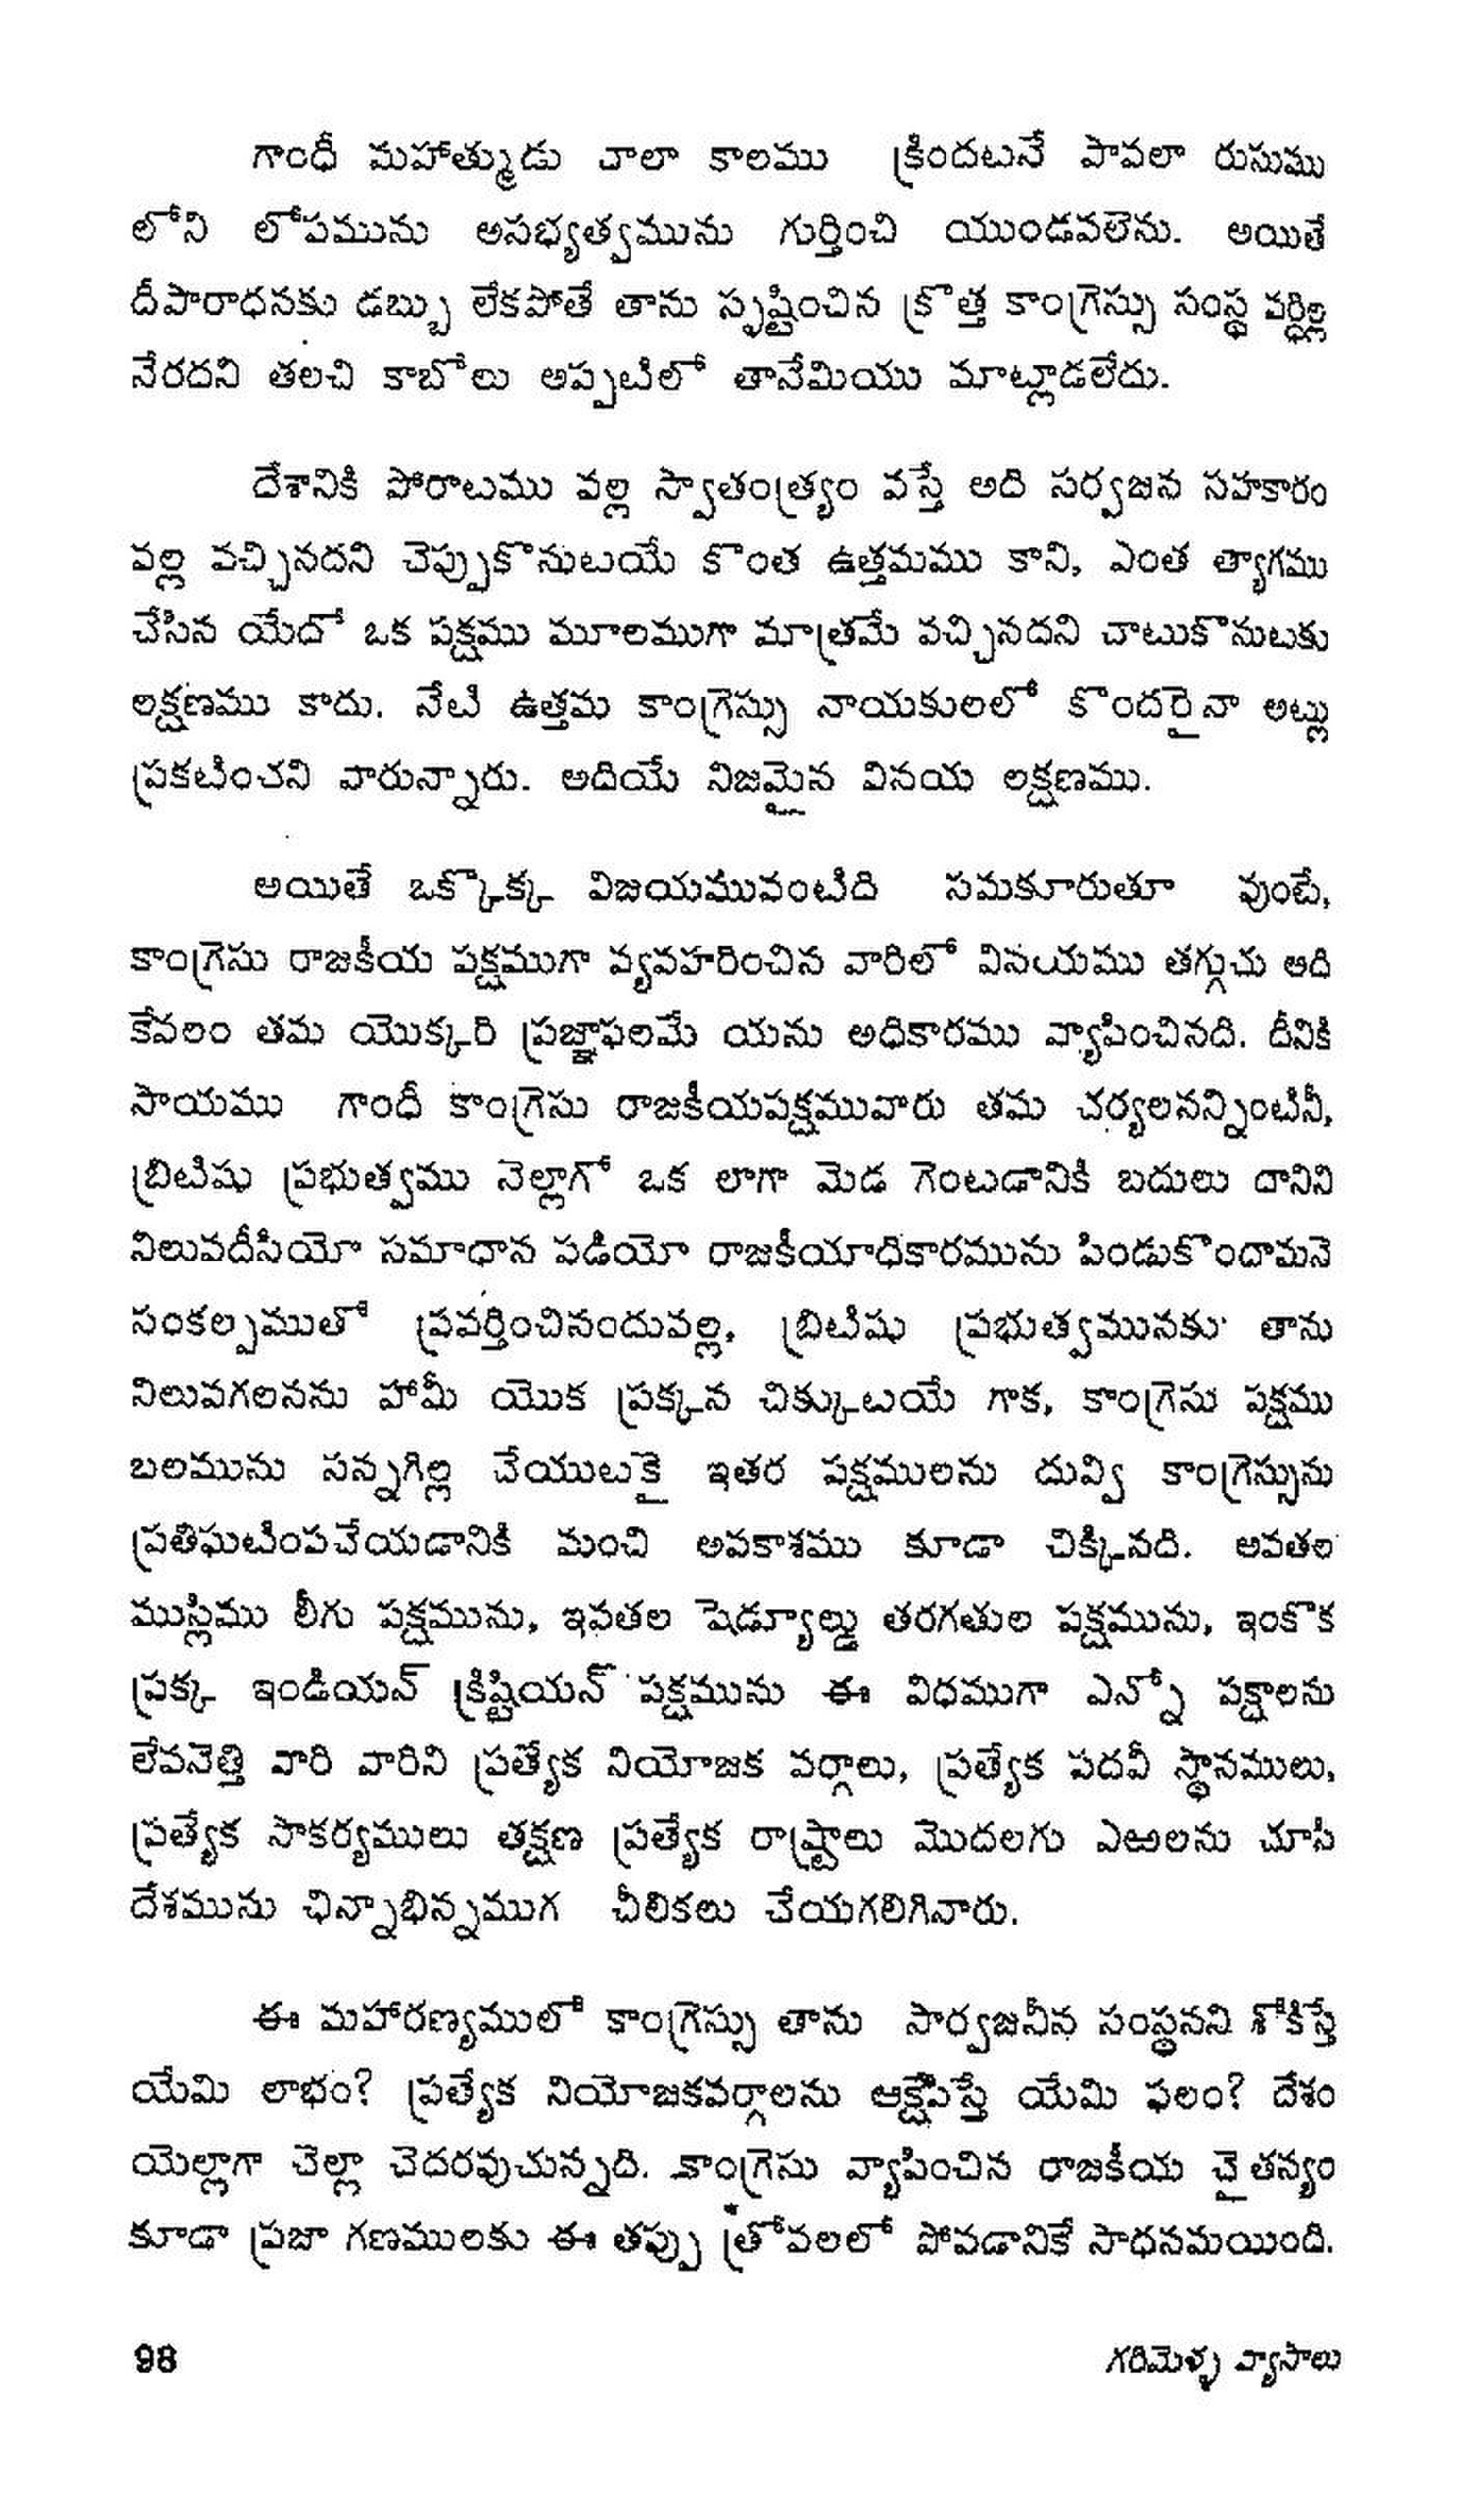గాంధీ మహాత్ముడు చాలా కాలము క్రిందటనే పావలా రుసుములోని లోపమును అసభ్యత్వమును గుర్తించి యుండవలెను. అయితే దీపారాధనకు డబ్బు లేకపోతే తాను సృష్టించిన క్రొత్త కాంగ్రెస్సు సంస్థ వర్ధిల్ల నేరదని తలచి కాబోలు అప్పటిలో తానేమియు మాట్లాడలేదు.

దేశానికి పోరటము వల్ల స్వాతంత్ర్యం వస్తే అది సర్వజన సహకారం వల్ల వచ్చినదని చెప్పుకొనుటయే కొంత ఉత్తమము కాని, ఎంత త్యాగము చేసిన యేదో ఒక పక్షము మూలముగా మాత్రమే వచ్చినదని చాటుకొనుటకు లక్షణము కాదు. నేటి ఉత్తమ కాంగ్రెస్సు నాయకులలో కొందరైనా అట్లు ప్రకటించని వారున్నారు. అదియే నిజమైన వినయ లక్షణము.

అయితే ఒక్కొక్క విజయమువంటిది సమకూరుతూ వుంటే, కాంగ్రెసు రాజకీయ పక్షముగా వ్యవహరించిన వారిలో వినయము తగ్గుచు అది కేవలం తమ యొక్కరి ప్రజ్ఞాఫలమే యను అధికారము వ్యాపించినది. దీనికి సాయము గాంధీ కాంగ్రెసు రాజకీయపక్షమువారు తమ చర్యలనన్నింటినీ, బ్రిటిషు ప్రభుత్వము నెల్లాగో ఒక లాగా మెడ గెంటడానికి బదులు దానిని నిలువదీసియో సమాధాన పడియో రాజకీయాధికారమును పిండుకొందామనె సంకల్పముతో ప్రవర్తించినందువల్ల, బ్రిటిషు ప్రభుత్వమునకు తాను నిలువగలనను హామీ యొక ప్రక్కన చిక్కుటయే గక, కాంగ్రెసు పక్షము బలమును సన్నగిల్ల చేయుటకై ఇతర పక్షములను దువ్వి కాంగ్రెస్సును ప్రతిఘటింపచేయడానికి మంచి అవకాశము కూడ చిక్కినది. అవతల ముస్లిము లీగు పక్షమును, ఇవతల షెడ్యూల్డు తరగతుల పక్షమును, ఇంకొక ప్రక్క, ఇండియన్ క్రిష్టియన్ పక్షమును ఈ విధముగా ఎన్నో పక్షాలను లేవనెత్తి వారి వారిని ప్రత్యేక నియోజక వర్గాలు, ప్రత్యేక పదవీ స్థానములు, ప్రత్యేక సాకర్యములు తక్షణ ప్రత్యేక రాష్ట్రాలు మొదలగు ఎఱలను చూపి దేశమును చిన్నాభిన్నముగ చీలికలు చేయగలిగినారు.

ఈ మహారణ్యములో కాంగ్రెస్సు తాను సార్వజనీన సంస్థనని శోకిస్తే యేమి లాభం? ప్రత్యేక నియోజకవర్గాలను ఆక్షేపిస్తే యేమి ఫలం? దేశం యెల్లాగా చెల్లా చెదరవుచున్నది. కాంగ్రెసు వ్యాపించిన రాజకీయ చైతన్యం కూడా ప్రజా గణములకు ఈ తప్పు త్రోవలలో పోవడానికే సాధనమయింది.